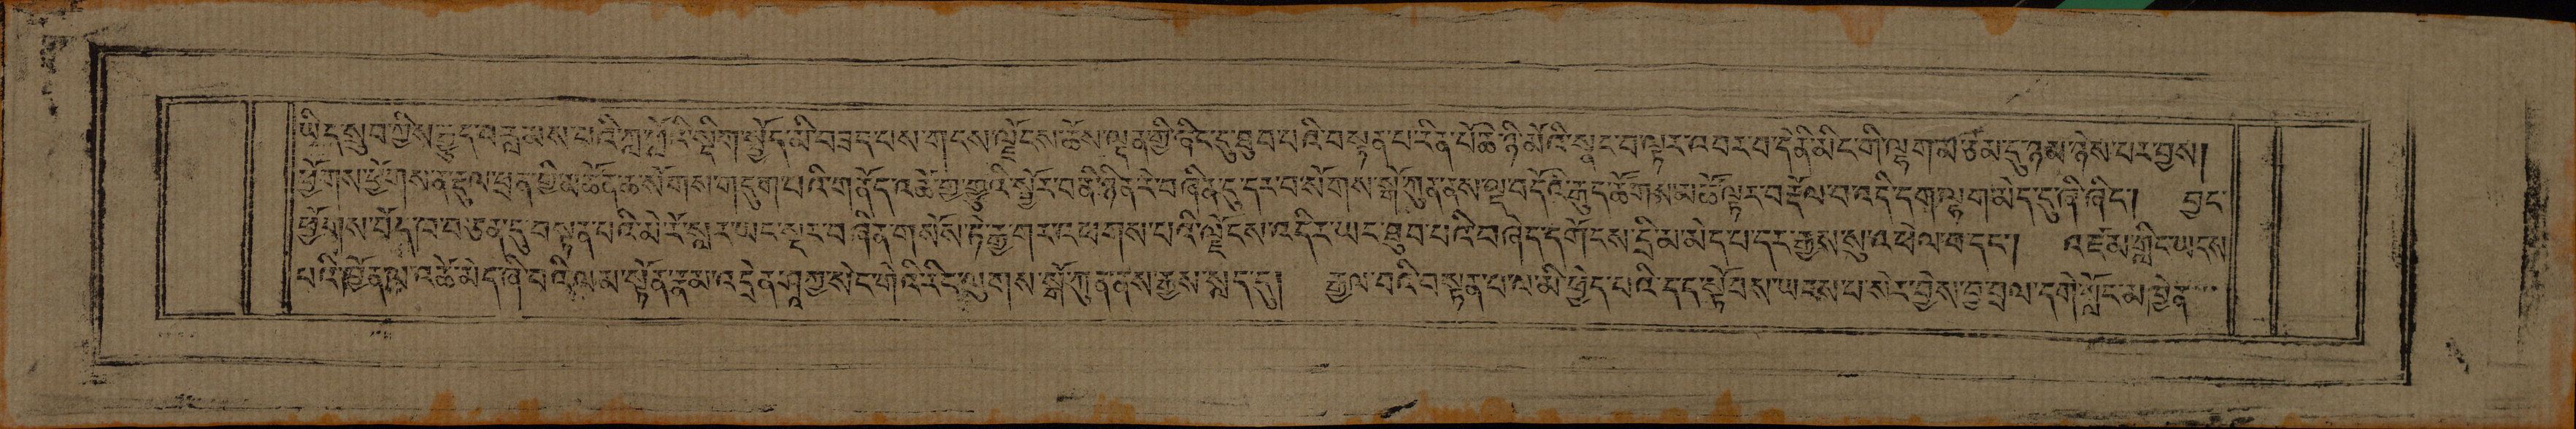ཡིད་སྲུབ་ཀྱིས་རྒྱུད་བརླབས་པའི་ཀླ་ཀློའི་སྡིག་སྤྱོད་མི་བཟད་པས་གངས་ལྗོངས་ཆོས་ལྡན་གྱི་ཞིང་དུ་ཐུབ་པའི་བསྟན་པ་རིན་པོ་ཆེ་ཉི་མོའི་སྣང་བ་ལྟར་འབར་བ་དེ་ནི་མིང་གི་ལྷག་མ་ཙམ་དུ་ཉམ་ཉེས་པར་བྱས།
ཕྱོགས་ཕྱོགས་ན་རྡུལ་ཕྲན་གྱི་མཚོན་ཆ་སོགས་གདུག་པའི་གནོད་འཚེ་གྱ་གྱུའི་སྦྱོར་བ་ནི་ཉིན་རེ་བཞིན་དུ་དར་བ་སོགས་སྒོ་ཀུན་ནས་ལྡ་བདོའི་རྒྱུད་ཚོགས་མཚོ་ལྟར་བརྡོལ་བ་འདི་དག་ལྷག་མེད་དུ་ཞི་ཞིང་། བྱང་
ཕྱོགས་བོད་ཁ་བ་ཅན་དུ་བསྟན་པའི་མེ་རོ་སླར་ཡང་སྔར་བཞིན་གསོས་ཏེ་རྒྱ་གར་འཕགས་པའི་ལྗོངས་འདིར་ཡང་ཐུབ་པའི་བཞེད་དགོངས་དྲི་མ་མེད་པ་དར་རྒྱས་སུ་འཕེལ་བ་དང་། འཛམ་གླིང་ཡངས་
པའི་ཁྱོན་ལ་འཚེ་མེད་ཞི་བའི་ལམ་སྟོན་རྣམ་འདྲེན་ཤཱཀྱ་སེང་གེའི་རིང་ལུགས་སྒོ་ཀུན་ནས་རྒྱས་སླད་དུ། རྒྱལ་བའི་བསྟན་པ་ལ་མི་ཕྱེད་པའི་དད་སྟོབས་ཡངས་པ་སེར་བྱེས་བྱ་བྲལ་དགེ་སློང་མཁྱེན་